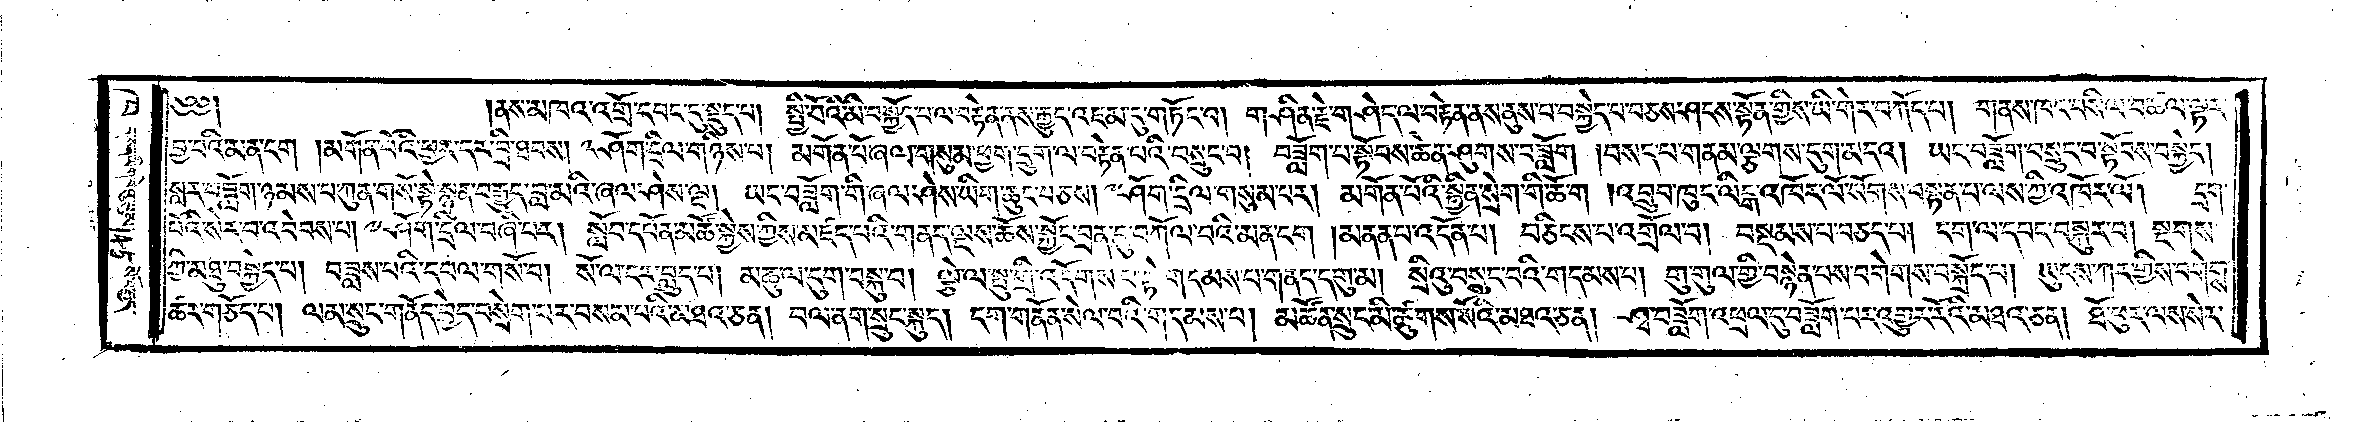༄༅། །ནས་མཁའ་འགྲོ་དབང་དུ་སྡུད་པ། སྤྱི་བོའི་མི་བསྐྱོད་པ་ལ་བརྟེན་ནས་རྒྱུད་འཇམ་དུ་གཏོང་བ། གཤིན་རྗེ་གཤེད་ལ་བརྟེན་ནས་ནུས་པ་བསྐྱེད་པ་བཅས་ཤངས་སྟོན་གྱིས་ཡི་གེར་བཀོད་པ། གནས་ཁང་བསིལ་བ་ཚལ་ལྟར་
བྱ་བའི་མན་ངག །མགོན་པོའི་ཕྱར་དར་བྲི་ཐབས། ༢་ཤོག་དྲིལ་གཉིས་པ། མགོན་པོ་ཞལ་གསུམ་ཕྱག་དྲུག་ལ་བརྟེན་པའི་བསྲུང་བ། བཟློག་པ་སྟོབས་ཆེན་ཤུགས་བཟློག །བསད་པ་གནམ་ལྕགས་དུག་མདའ། ཡང་བཟློག་བསྲུང་བ་སྟོབས་བསྐྱེད།
སླར་བཟློག་ཉམས་པ་ཀུན་གསོ་སྟེ་སྙན་བརྒྱུད་བླ་མའི་ཞལ་ཤེས་ལྔ། ཡང་བཟློག་གི་ཞལ་ཤེས་ཡིག་ཆུང་བཅས། ༧ཤོག་དྲིལ་གསུམ་པར། མགོན་པོའི་སྦྱིན་སྲེག་གི་ཆོ་ག །འབྲུབ་ཁུང་ལིངྒ་འཁོར་ལོ་སོགས་བསྟན་པ་ལས་ཀྱི་འཁོར་ལོ། དྲག་
པོའི་སེར་བ་འབེབས་པ། ༧ཤོག་དྲིལ་བཞི་པར། སློབ་དཔོན་མཚོ་སྐྱེས་ཀྱིས་མཛད་པའི་གནད་ལྔས་ཆོས་སྐྱོང་བྲན་དུ་བཀོལ་བའི་མན་ངག །མནན་པ་འདོན་པ། བཅིངས་པ་འགྲོལ་བ། བསྡམས་པ་བཅད་པ། ངག་ལ་དབང་བསྐུར་བ། སྔགས་
ཀྱི་མཐུ་བསྐྱེད་པ། བཟླས་པའི་དཔལ་གསོ་བ། སོ་ལ་ངར་བླུད་པ། མཆུ་ལ་དུག་བསྐུ་བ། ལྕེ་ལ་སྤུ་གྲི་འདོགས་པ་སྟེ་གདམས་པ་གནད་དགུ་མ། སྲིའུ་བསྲུང་བའི་གདམས་པ། གུ་གུལ་གྱི་བསྙེན་པས་བགེགས་བསྐྲོད་པ། ཡུངས་ཀར་གྱིས་བགེགས་
ཚར་གཅོད་པ། ལམ་སྲུང་གནོད་བྱེད་བསྲེག་པར་བསམ་པའི་མཐའ་ཅན། བལ་ནག་སྲུང་སྐུད། ངག་གནོན་སེལ་བའི་གདམས་པ། མཚོན་སྲུང་མི་ཚུགས་སོའི་མཐའ་ཅན། ཤྭ་བཟློག་འཕྲལ་དུ་བཟློག་པར་འགྱུར་རོའི་མཐའ་ཅན། ཐོ་ཕུར་ལས་སེར་